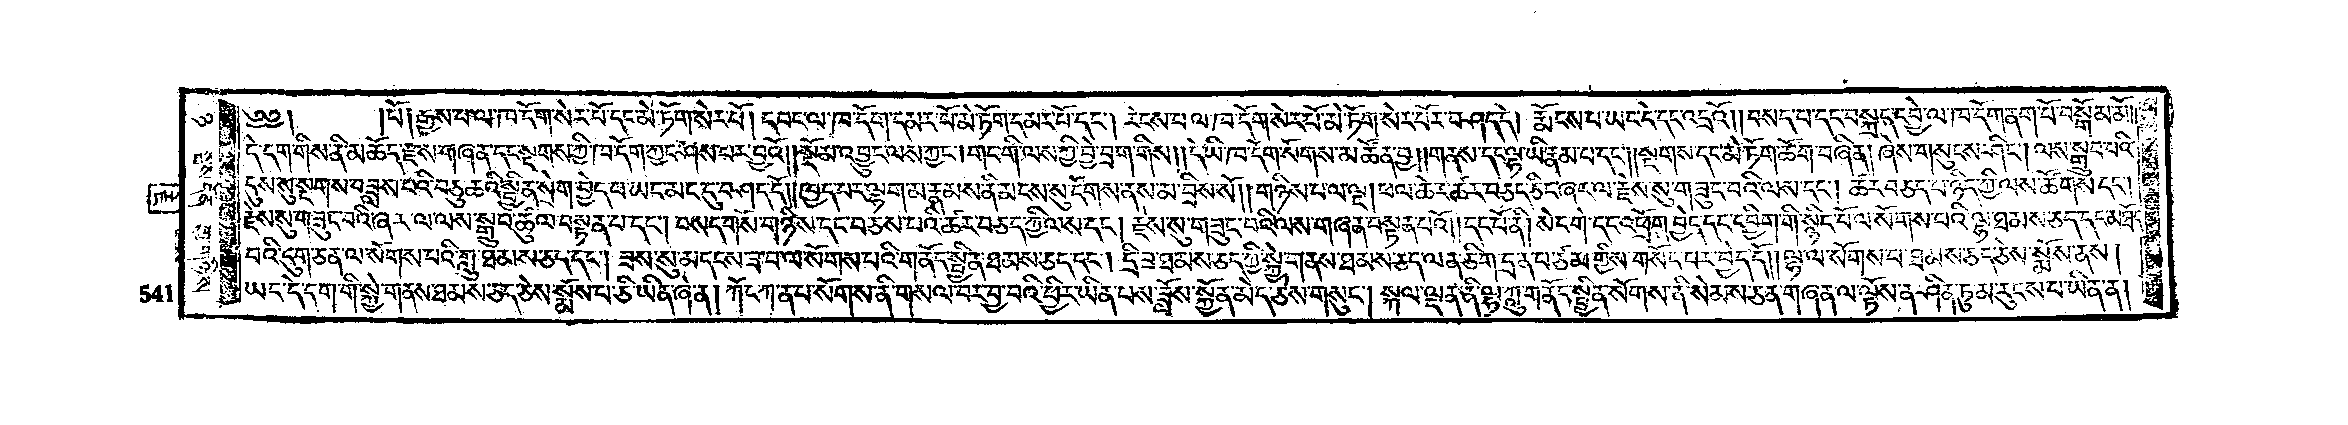༄༅། །པོ། རྒྱས་པ་ལ་ཁ་དོག་སེར་པོ་དང་མེ་ཏོག་སེར་པོ། དབང་ལ་ཁ་དོག་དམར་པོ་མེ་ཏོག་དམར་པོ་དང་། རེངས་པ་ལ་ཁ་དོག་སེར་པོ་མེ་ཏོག་སེར་པོར་བཤད་དེ། རྨོངས་པ་ཡང་དེ་དང་འདྲའོ། །བསད་པ་དང་བསྐྲད་དབྱེ་ལ་ཁ་དོག་ནག་པོ་བསྒོམ་མོ། །
དེ་དག་གིས་ནི་མཆོད་རྫས་གཞན་དང་སྔགས་ཀྱི་ཁ་དོག་ཀྱང་ཤེས་པར་བྱའོ། །སྡོམ་འབྱུང་ལས་ཀྱང་། གང་གི་ལས་ཀྱི་བྱེ་བྲག་གིས། །དེ་ཡི་ཁ་དོག་སོགས་མཚོན་བྱ། །གནས་དང་ལྷ་ཡི་རྣམ་པ་དང་། །སྔགས་དང་མེ་ཏོག་ཆོ་ག་བཞིན། །ཞེས་གསུངས་ཤིང་། ལས་སྒྲུབ་པའི་
དུས་སུ་སྔགས་བཟླས་པའི་བཅུ་ཆའི་སྦྱིན་སྲེག་བྱེད་པ་ཡང་མང་དུ་བཤད་དོ། །ཁྱད་པར་ལྷག་མ་རྣམས་ནི་མངས་སུ་དོགས་ནས་མ་བྲིས་སོ། །གཉིས་པ་ལ་ལྔ། ཕལ་ཆེར་ཚར་བཅད་ཅིང་ཞར་ལ་རྗེས་སུ་གཟུང་བའི་ལས་དང་། ཚར་བཅད་པ་ཉིད་ཀྱི་ལས་ཚོགས་དང་།
རྗེས་སུ་གཟུང་བའི་ཞར་ལ་ལས་སྒྲུབ་ཚུལ་བསྟན་པ་དང་། བསད་གསོ་གཉིས་དང་བཅས་པའི་ཚར་བཅད་ཀྱི་ལས་དང་། རྗེས་སུ་གཟུང་བའི་ལས་གཞན་བསྟན་པའོ། །དང་པོ་ནི། སེང་གེ་དང་འཕྲོག་བྱེད་དང་དབྱིག་གི་སྙིང་པོ་ལ་སོགས་པའི་ལྷ་ཐམས་ཅད་དང་མཐོང་
བའི་དུག་ཅན་ལ་སོགས་པའི་ཀླུ་ཐམས་ཅད་དང་། ཟས་སུ་མདངས་ཟ་བ་ལ་སོགས་པའི་གནོད་སྦྱིན་ཐམས་ཅད་དང་། དྲི་ཟ་ཐམས་ཅད་ཀྱི་སྐྱེ་གནས་ཐམས་ཅད་ལན་ཅིག་དྲན་པ་ཙམ་གྱིས་གསོད་པར་བྱེད་དོ། །ལྷ་ལ་སོགས་པ་ཐམས་ཅད་ཅེས་སྨོས་ནས།
ཡང་དེ་དག་གི་སྐྱེ་གནས་ཐམས་ཅད་ཅེས་སྨོས་པ་ཅི་ཡིན་ཞེ་ན། ཀོང་ཀ་ན་པ་སོགས་ནི་གསལ་བར་བྱ་བའི་ཕྱིར་ཡིན་པས་ཟློས་སྐྱོན་མེད་ཅེས་གསུང་། སྐལ་ལྡན་ནི་ལྷ་ཀླུ་གནོད་སྦྱིན་སོགས་ནི་སེམས་ཅན་གཞན་ལ་ལྟོས་ན་ཤིན་ཏུ་མ་རུངས་བ་ཡིན་ན།